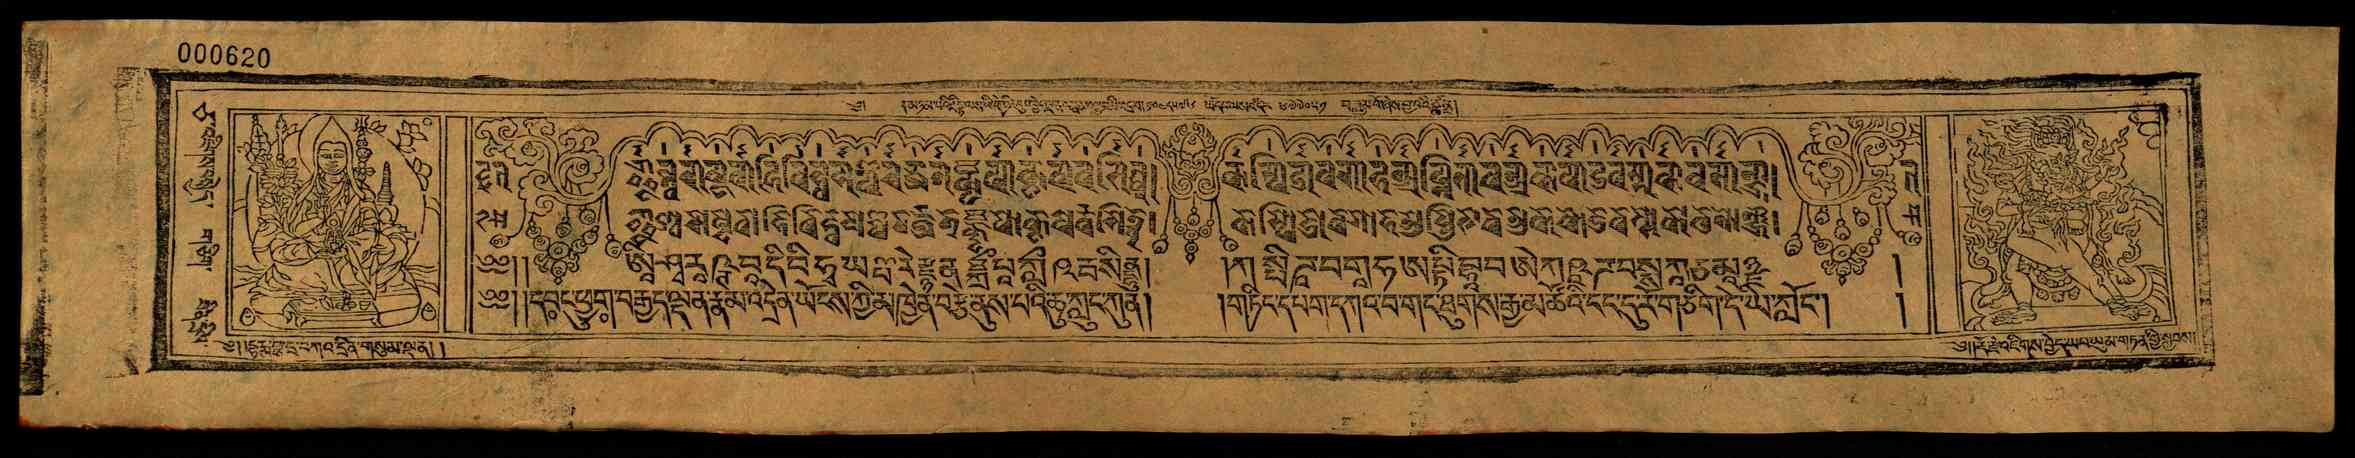ལས
ལས
༄༅། །ཨཱི་ཤྭ་རཱཥྚ་བཱ་དི་བི་ཧྭ་ཡ་ཝ་རེ་རྫྙ་ནྭ་ཊཿཀྲྀ་པཱ་ཀླྀ་ཥ་རྦ་སིནྡྷ། །ཀ་སྤི་ཌཱ་བ་གཱ་ཧ་ཨ་པྟི་བྷཱ་བ་ཨེ་ཀ་ཥཱ་ཌ་བསྶ་ཀཱ་ཙ་མཱ་ཉྫ།
༄༅། །དབང྾་ཕྱུག྾་བརྒྱད་ལྡན་རྣམ་འདྲེན་ཡོངས་ཀྱི་མཁྱེན་བརྩེ་ནུས་པའི་ཆུ་ཀླུང་ཀུན། །གཏིང་དཔག་དཀའ་བ་གང་ཐུགས་རྒྱ་མཚོའི་ངང་དུ་རོ་གཅིག་དེ་ཡི་ཀློང་། །